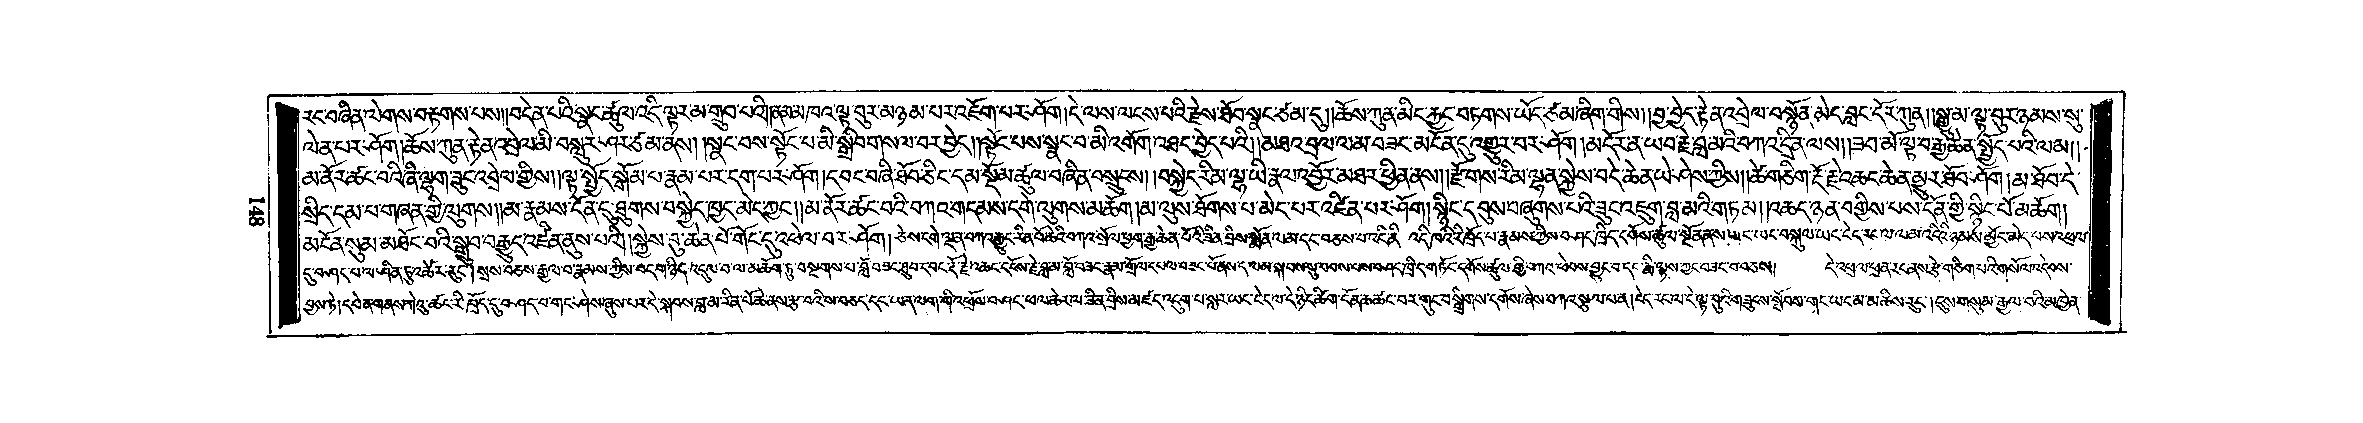རང་བཞིན་ལེགས་བརྟགས་པས། །བདེན་པའི་སྣང་ཚུལ་འདི་ལྟར་མ་གྲུབ་པའི། །ནམ་མཁའ་ལྟ་བུར་མཉམ་པར་འཇོག་པར་ཤོག །དེ་ལས་ལངས་པའི་རྗེས་ཐོབ་སྣང་ཙམ་དུ། །ཆོས་ཀུན་མིང་རྐྱང་བཏགས་ཡོད་ཙམ་ཞིག་གིས། །བྱ་བྱེད་རྟེན་འབྲེལ་བསྙོན་མེད་བླང་དོར་ཀུན། །སྒྱུ་མ་ལྟ་བུར་ཉམས་སུ་
ལེན་པར་ཤོག །ཆོས་ཀུན་རྟེན་འབྲེལ་མི་བསླུར་ཤར་ཙམ་ནས། །སྣང་བས་སྟོང་པ་མི་སྒྲིབ་གསལ་བར་བྱེད། །སྟོང་པས་སྣང་བ་མི་འགོག་འཐད་བྱེད་པའི། །མཐའ་བྲལ་ལམ་བཟང་མངོན་དུ་འགྱུར་པར་ཤོག །མདོར་ན་ཡབ་རྗེ་བླ་མའི་བཀའ་དྲིན་ལས། །ཟབ་མོ་ལྟ་བ་རྒྱ་ཆེན་སྤྱོད་པའི་ལམ། །
མ་ནོར་ཚང་བའི་ཞི་ལྷག་ཟུང་འབྲེལ་གྱིས། །ལྟ་སྤྱོད་སྒོམ་པ་རྣམ་པར་དག་པར་ཤོག །དབང་བཞི་ཐོབ་ཅིང་དམ་སྡོམ་ཚུལ་བཞིན་བསྲུངས། །བསྐྱེད་རིམ་ལྷ་ཡི་རྣལ་འབྱོར་མཐར་ཕྱིན་ནས། །རྫོགས་རིམ་ལྷན་སྐྱེས་བདེ་ཆེན་ཡེ་ཤེས་ཀྱིས། །ཚེ་གཅིག་རྡོ་རྗེ་འཆང་ཆེན་མྱུར་ཐོབ་ཤོག །མ་ཐོབ་དེ་
སྲིད་དམ་པ་གཞན་གྱི་ལུགས། །མ་རྣམས་དོན་དུ་ཐུགས་བསྐྱེད་ཁྱད་མེད་ཀྱང་། །མ་ནོར་ཚང་བའི་བཀའ་གདམས་དགེ་ལུགས་མཆོག །མ་ལུས་ཐོགས་པ་མེད་པར་འཛིན་པར་ཤོག །སྙིང་དབུས་བཞུགས་པའི་ཟུང་འཇུག་བླ་མའི་གཏམ། །འཆད་ཉན་བགྱིས་པས་དོན་གྱི་སྙིང་པོ་མཆོག །
མངོན་སུམ་མཐོང་བའི་སྒྲུབ་བརྒྱུད་འཛིན་ནུས་པའི། །སྐྱེས་བུ་ཆེན་པོ་གོང་དུ་འཕེལ་བར་ཤོག །ཅེས་དགེ་ལྡན་བཀའ་རྒྱུད་རིན་པོ་ཆེའི་བཀའ་སྲོལ་ཕྱག་རྒྱ་ཆེན་པོའི་ཟིན་བྲིས་སྨོན་ལམ་དང་བཅས་པ་འདི་ནི་འདི་ཁའི་རི་ཁྲོད་པ་རྣམས་ཀྱིས་བཤད་ཁྲིད་དགོས་ཚུལ་སྔོན་ནས་ཡང་ཡང་བསྐུལ་ཡང་ངེད་རང་ལ་ལམ་འདིའི་ཉམས་མྱོང་མེད་པས་འཕྲལ་
དུ་བཤད་པ་ལ་ཤིན་ཏུ་འཚེར་རུང་། སྲས་བཅས་རྒྱལ་བ་རྣམས་ཀྱིས་བདག་ཉིད་འདུལ་བ་ལ་མཆོག་ཏུ་བསྔགས་པ་བློ་བཟང་ཐུབ་དབང་རྡོ་རྗེ་འཆང་དངོས་རྗེ་བླ་མ་བློ་བཟང་རྣམ་གྲོལ་དཔལ་བཟང་པོ་ནས་ད་ལམ་སྐབས་སུ་བབས་པས་བཤད་ཁྲིད་གཏོང་དགོས་ཚུལ་གྱི་བཀའ་ཕེབས་བྱུང་བ་དང་རྨི་ལྟས་ཀྱང་བཟང་བ་བཅས། དེ་འཕྲལ་ཕྲན་རང་ནས་རྩེ་གཅིག་པའི་གསོལ་འདེབས་
བྱས་ཏེ། དབེན་གནས་ཀེའུ་ཚང་རི་ཁྲོད་དུ་བཤད་པ་གང་ཤེས་ཞུས་པར་དེ་སྐབས་བླ་མ་རིན་པོ་ཆེ་ནས་རྩ་བའི་ས་བཅད་དང་ཡན་ལག་གི་འཕྲོས་བཤད་ཕལ་ཆེར་ལ་ཟིན་བྲིས་མཛད་འདུག་པ་སླར་ཡང་ངེད་ལ་དེ་ཉིད་ཚིག་དོན་ཆ་ཚང་བར་གུང་བསྒྲིགས་དགོས་ཞེས་བཀའ་སྩལ་པ་ན། ངེད་རང་ལ་དེ་ལྟ་བུའི་གཟུངས་སྤོབས་གང་ཡང་མ་མཆིས་རུང་། དུས་གསུམ་རྒྱལ་བའི་མཁྱེན་